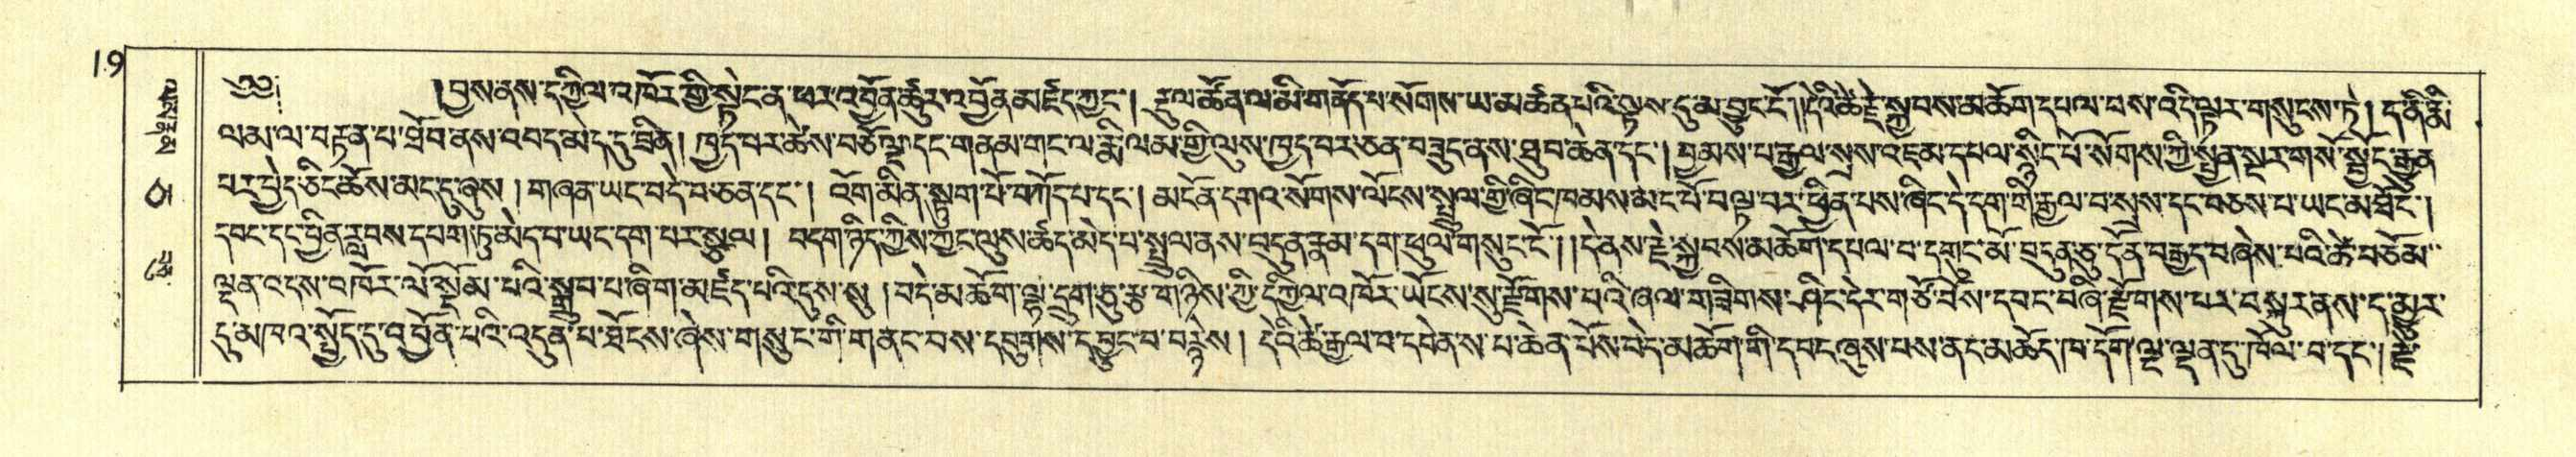༄༅། །བྱས་ནས་དཀྱིལ་འཁོར་གྱི་སྟེང་ན་ཕར་འབྱོན་ཚུར་འབྱོན་མཛད་ཀྱང་། རྡུལ་ཚོན་ལ་མི་གནོད་པ་སོགས་ཡ་མཚན་པའི་སྟས་དུ་མ་བྱུང་ངོ། །དེའི་ཚེ་རྗེ་སྐྱབས་མཆོག་དཔལ་བས་འདི་ལྟར་གསུངས་ཏེ། ད་ནི་རྨི་
ལམ་ལ་བརྟན་པ་ཐོབ་ནས་འབད་མེད་དུ་ཟིན། ཁྱད་པར་ཚེས་བཅོ་ལྔ་དང་གནམ་གང་ལ་རྨི་ལམ་གྱི་ལུས་ཁྱད་པར་ཅན་བཟུང་ནས་ཐུབ་ཆེན་དང་། བྱམས་པ་རྒྱལ་སྲས་འཇམ་དཔལ་སྙིང་པོ་སོགས་ཀྱི་སྤྱན་སྔར་གསོ་སྦྱོང་རྒྱུན་
པར་བྱེད་ཅིང་ཆོས་མང་དུ་ཞུས་།གཞན་ཡང་བདེ་བ་ཅན་དང་། འོག་མིན་སྟུག་པོ་བཀོད་པ་དང་། མངོན་དགའ་སོགས་ལོངས་སྤྲུལ་གྱི་ཞིང་ཁམས་མང་པོ་བལྟ་བར་ཕྱིན་པས་ཞིང་དེ་དག་གི་རྒྱལ་བ་སྲས་དང་བཅས་པ་ཡང་མཐོང་།
དབང་དང་བྱིན་རླབས་དཔག་ཏུ་མེད་པ་ཡང་དག་པར་སྩལ། བདག་ཉིད་ཀྱིས་ཀྱང་ལུས་ཚད་མེད་པ་སྤྲུལ་ནས་བདུན་རྣམ་དག་ཕུལ་གསུང་ངོ། །དེ་ནས་རྗེ་སྐྱབས་མཆོག་དཔལ་བ་དགུང་མོ་བདུན་ཅུ་དོན་བརྒྱད་བཞེས་པའི་ཚེ་བཅོམ་
ལྡན་འདས་འཁོར་ལོ་སྡོམ་པའི་སྒྲུབ་པ་ཞིག་མཛད་པའི་དུས་སུ། བདེ་མཆོག་ལྷ་དྲུག་ཅུ་རྩ་གཉིས་ཀྱི་དཀྱིལ་འཁོར་ཡོངས་སུ་རྫོགས་པའི་ཞལ་གཟིགས་ཤིང་དེར་གཙོ་བོས་དབང་བཞི་རྫོགས་པར་བསྐུར་ནས་ད་མྱུར་
དུ་མཁའ་སྤྱོད་དུ་འབྱོན་པའི་འདུན་པ་ཐོངས་ཞེས་གསུང་གི་གནང་བས་དབུགས་དབྱུང་བ་བརྙེས། དེའི་ཚེ་རྒྱལ་བ་དབེན་ས་པ་ཆེན་པོས་བདེ་མཆོག་གི་དབང་ཞུས་པས་ནང་མཆོད་ཁ་དོག་ལྔ་ལྡན་དུ་ཁོལ་བ་དང་།རྫེ་